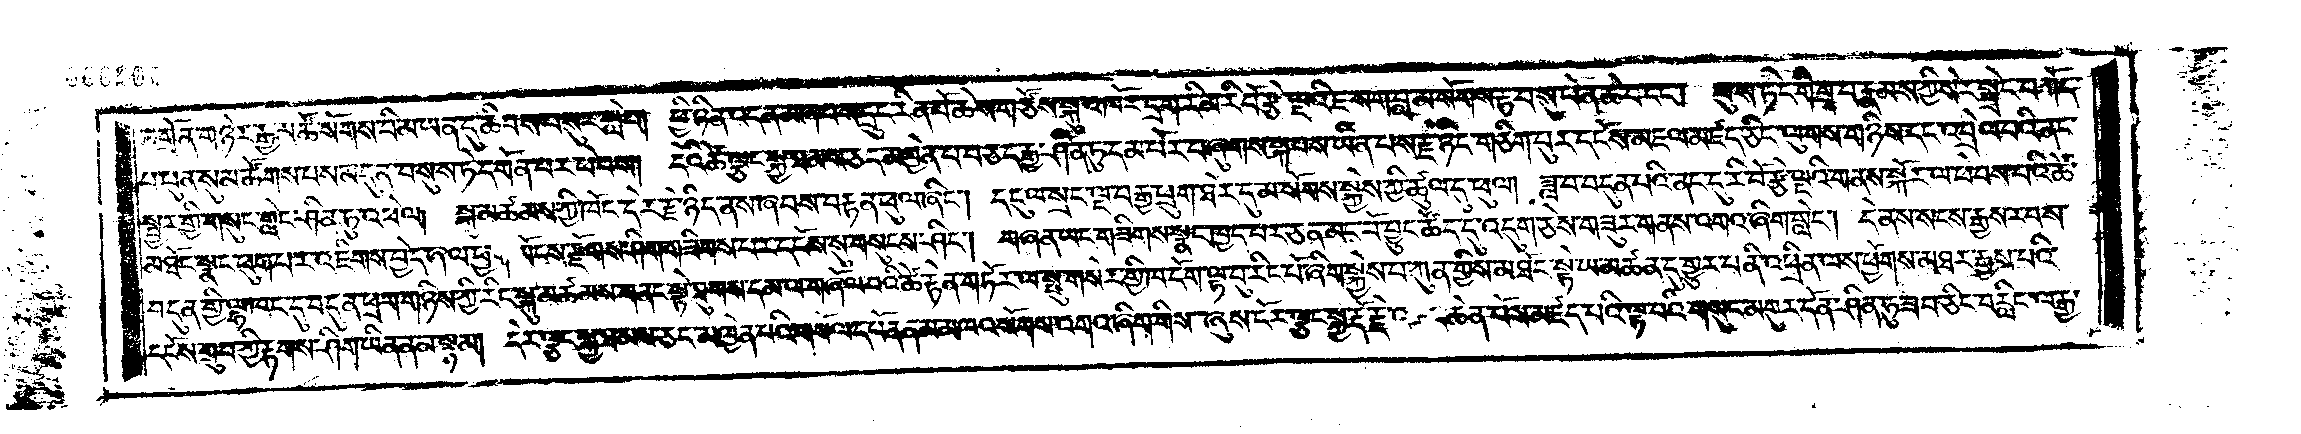མགྲོན་གཉེར་རྒྱ་མཚོ་སོགས་བི་མ་ཡན་དུ་ཆིབས་བསུར་སླེབ། ཕྱི་ཉིན་འདན་མ་ཞབས་དྲུང་རིན་པོ་ཆེས་གཙོས་སྐུ་འཁོར་དྲག་རིམ་རི་བོ་རྩེ་ལྔའི་ཇ་སག་བླ་མ་སོགས་རྟ་བསུ་ཕེན་ཆེ་བ་དང་། ཕུ་ས་ཏིང་གི་གྲྭ་པ་རྣམས་ཀྱི་སེར་སྦྲེང་བཀོད་
པ་ཕུན་སུམ་ཚོགས་པས་མདུན་བསུས་ཏེ་དགོན་པར་ཕེབས། དེའི་ཚེ་ལྕང་སྐྱ་ཐམས་ཅད་མཁྱེན་པ་བཅད་རྒྱ་ཤིན་ཏུ་དམ་པོར་བཞུགས་སྐབས་ཡིན་པས་རྗེ་ཉིད་གཅིག་པུར་དངོས་མཇལ་མཛད་ཅིང་ལུགས་གཉིས་དང་འབྲེལ་བའི་ནང་
སྦྱར་གྱི་གསུང་གླེང་ཤིན་ཏུ་འཕེལ། སྐུ་མཚམས་ཀྱི་ཁོང་དེར་རྗེ་ཉིད་ནས་ཞབས་བརྟན་ཕུལ་ཞིང་། དངུལ་སྲང་ལྔ་བརྒྱ་ཕྲུག་ཐེར་དུ་མ་སོགས་སྐྱེས་ཀྱི་ཚུལ་དུ་ཕུལ། ཟླ་བ་བདུན་པའི་ནང་དུ་རི་བོ་རྩེ་ལྔའི་གནས་སྐོར་ལ་ཕེབས་པའི་ཚེ་
མཐོང་སྣང་ཕུག་པར་འཇིགས་བྱེད་ཞལ་ཕྱག་ཡོངས་རྫོགས་ཤིག་གཟིགས་པར་དངོས་སུ་གསུངས་ཤིང་། གཞན་ཡང་གཟིགས་སྣང་ཁྱད་པར་ཅན་མང་པོ་བྱུང་ཚོད་དུ་འདུག་ཅེས་གཟུར་གནས་འགའ་ཞིག་གླེང་། དེ་ནས་སངས་རྒྱས་རབས་
བདུན་གྱི་ལྷ་ཁང་དུ་བདུན་ཕྲག་གཉིས་ཀྱི་རིང་སྐུ་མཚམས་གནང་སྟེ་ཐུགས་དམ་ལ་གཞོལ་བའི་ཚེ་རྟེན་གཏོར་ལ་སྡུ་གསེར་གྱི་ཁ་དོག་ལྟ་བུ་རིང་པོ་ཞིག་སྐྱེས་པ་ཀུན་གྱིས་མཐོང་སྟེ་ཡ་མཚན་དུ་གྱུར་པ་ནི་འཕྲིན་ལས་ཕྱོགས་མཐར་རྒྱས་པའི་
དངོས་གྲུབ་ཀྱི་རྟགས་ཤིག་ཡིན་ནམ་སྙམ། དེར་ལྕང་སྐྱ་ཐམས་ཅད་མཁྱེན་པའི་གསོལ་དཔོན་ནམ་མཁའ་སོགས་འགའ་ཞིག་གིས་ཞུས་ངོར་ལྕང་སྐྱ་རྡོ་རྗེ་འཆང་ཆེན་པོས་མཛད་པའི་ལྟ་བའི་གསུང་མགུར་དོན་ཤིན་ཏུ་ཟབ་ཅིང་བརླིང་ལ་རྒྱ་